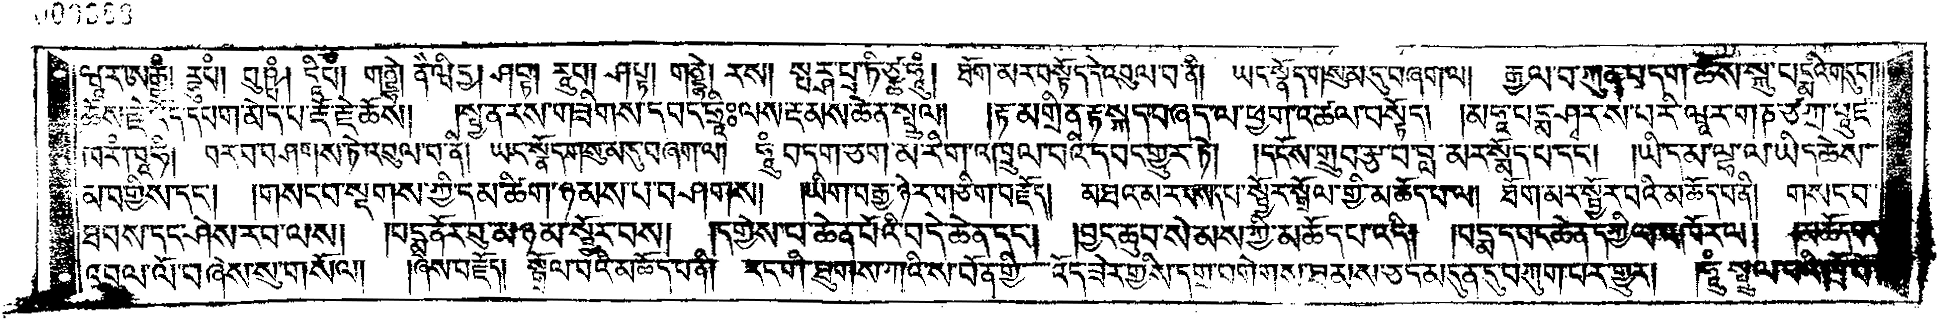ཝཱར་ཨརྒྷཾ། རྷུ་པཾ། པུཥྤཾ། དཱི་པཾ། གནྡྷེ། ནཻ་ཝི་དྱ། ཤཔྟ། རཱུ་པ། ཤཔྟ། གནྡྷེ། རས། སྤརྴ་པྲ་ཏི་ཙྪ་ཧཱུཾ། ཐོག་མར་བསྟོད་དེ་འབུལ་བ་ནི། ཡང་སྣོད་གསུམ་དུ་བཞག་ལ།  རྒྱལ་བ་ཀུན་བདག་ཆོས་སྐུ་པདམའི་གདུང་། །
ཆོས་རྗེ་འོད་དཔག་མེད་པ་རྡོ་རྗེ་ཆོས། །སྤྱན་རས་གཟིགས་དབང་ཧྲཱིཿ ལས་རྔམས་ཆེན་སྤྲུལ། །རྟ་མགྲིན་རྟ་སྐད་བཞད་ལ་ཕྱག་འཚལ་བསྟོད། །མཧཱ་པདམ་ཤྭར་ས་པ་རི་ཝཱར་གཎ་ཙཀྲ་པཱུཛ་
ཁ་རཾ་ཁཱ་ཧི། བར་བ་བཤགས་ཏེ་འབུལ་བ་ནི། ཡང་སྣོད་གསུམ་དུ་བཞག་ལ།  ཧཱུཾ་བདག་ཅག་མ་རིག་འཁྲུལ་བའི་དབང་གྱུར་ཏེ། །དངོས་གྲུབ་རྩ་བ་བླ་མར་སྨོད་པ་དང་། །ཡི་དམ་ལྷ་ལ་ཡིད་ཆེས་
མ་བགྱིས་དང་། །གསང་བ་སྔགས་ཀྱི་དམ་ཚིག་ཉམས་པ་བཤགས། །ཡིག་བརྒྱ་ཉེར་གཅིག་བརྗོད། མཐའ་མར་བསད་པ་སྦྱོར་སྒྲོལ་གྱི་མཆོད་པ་ལ།  ཐོག་མར་སྦྱོར་བའི་མཆོད་པ་ནི། གསང་བ་
ཐབས་དང་ཤེས་རབ་ལས། །པདམ་ནོར་བུ་མཉམ་སྦྱོར་བས། །དགྱེས་པ་ཆེན་པོའི་བདེ་ཆེན་དང་། །བྱང་ཆུབ་སེམས་ཀྱི་མཆོད་པ་འདི། །པདམ་དབང་ཆེན་དཀྱིལ་འཁོར་ལ། །མཆོད་པར་
འབུལ་ལོ་བཞེས་སུ་གསོལ། ། ཞེས་བརྗོད། སྒྲོལ་བའི་མཆོད་པ་ནི།  རང་གི་ཐུགས་ཀའི་ས་བོན་གྱི་འོད་ཟེར་གྱིས་དགྲ་བགེགས་ཐམས་ཅད་མདུན་དུ་བཀུག་པར་གྱུར། །ཧཱུཾ་སྤྲུལ་བའི་ཁྲོ་བོ་